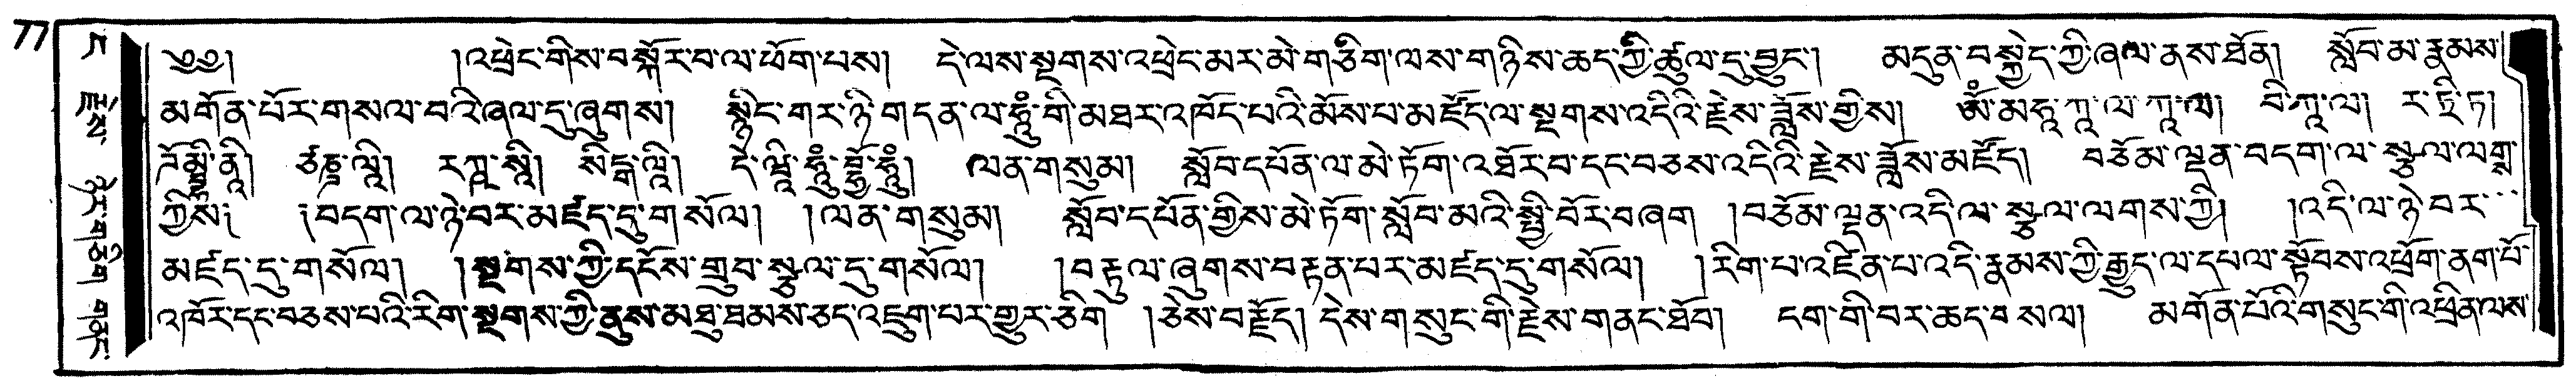༄༅། །འཕྲེང་གིས་བསྐོར་བ་ལ་ཕོག་པས། དེ་ལས་སྔགས་འཕྲེང་མར་མེ་གཅིག་ལས་གཉིས་ཆད་ཀྱི་ཚུལ་དུ་བྱུང་། མདུན་བསྐྱེད་ཀྱི་ཞལ་ནས་ཐོན། སློབ་མ་རྣམས་
མགོན་པོར་གསལ་བའི་ཞལ་དུ་ཞུགས། སྙིང་གར་ཉི་གདན་ལ་ཧཱུཾ་གི་མཐར་འཁོད་པའི་མོས་པ་མཛོད་ལ་སྔགས་འདིའི་རྗེས་ཟློས་གྱིས། ཨོཾ་མཧཱ་ཀཱ་ལ་ཀཱ་ལ། བི་ཀཱ་ལ། ར་ཏྲི་ཏ།
ཌོམྦྷི་ནཱི། ཙཎྜ་ལཱི། རྐྵ་སཱི། སིངྒ་ལཱི། དེ་ཝཱི་ཧཱུཾ་བྷྱོ་ཧཱུཾ། ལན་གསུམ། སློབ་དཔོན་ལ་མེ་ཏོག་འཐོར་བ་དང་བཅས་འདིའི་རྗེས་ཟློས་མཛོད། བཅོམ་ལྡན་བདག་ལ་སྩལ་ལགས་
ཀྱིས༑ ༑བདག་ལ་ཉེ་བར་མཛད་དུ་གསོལ། །ལན་གསུམ། སློབ་དཔོན་གྱིས་མེ་ཏོག་སློབ་མའི་སྤྱི་བོར་བཞག །བཅོམ་ལྡན་འདི་ལ་སྩལ་ལགས་ཀྱི། །འདི་ལ་ཉེ་བར་
མཛད་དུ་གསོལ། །སྔགས་ཀྱི་དངོས་གྲུབ་སྩལ་དུ་གསོལ། །བརྟུལ་ཞུགས་བརྟན་པར་མཛད་དུ་གསོལ། །རིག་པ་འཛིན་པ་འདི་རྣམས་ཀྱི་རྒྱུད་ལ་དཔལ་སྟོབས་འཕྲོག་ནག་པོ་
འཁོར་དང་བཅས་པའི་རིག་སྔགས་ཀྱི་ནུས་མཐུ་ཐམས་ཅད་འཇུག་པར་གྱུར་ཅིག །ཅེས་བརྗོད། དེས་གསུང་གི་རྗེས་གནང་ཐོབ། ངག་གི་བར་ཆད་བསལ། མགོན་པོའི་གསུང་གི་འཕྲིང་ལས་